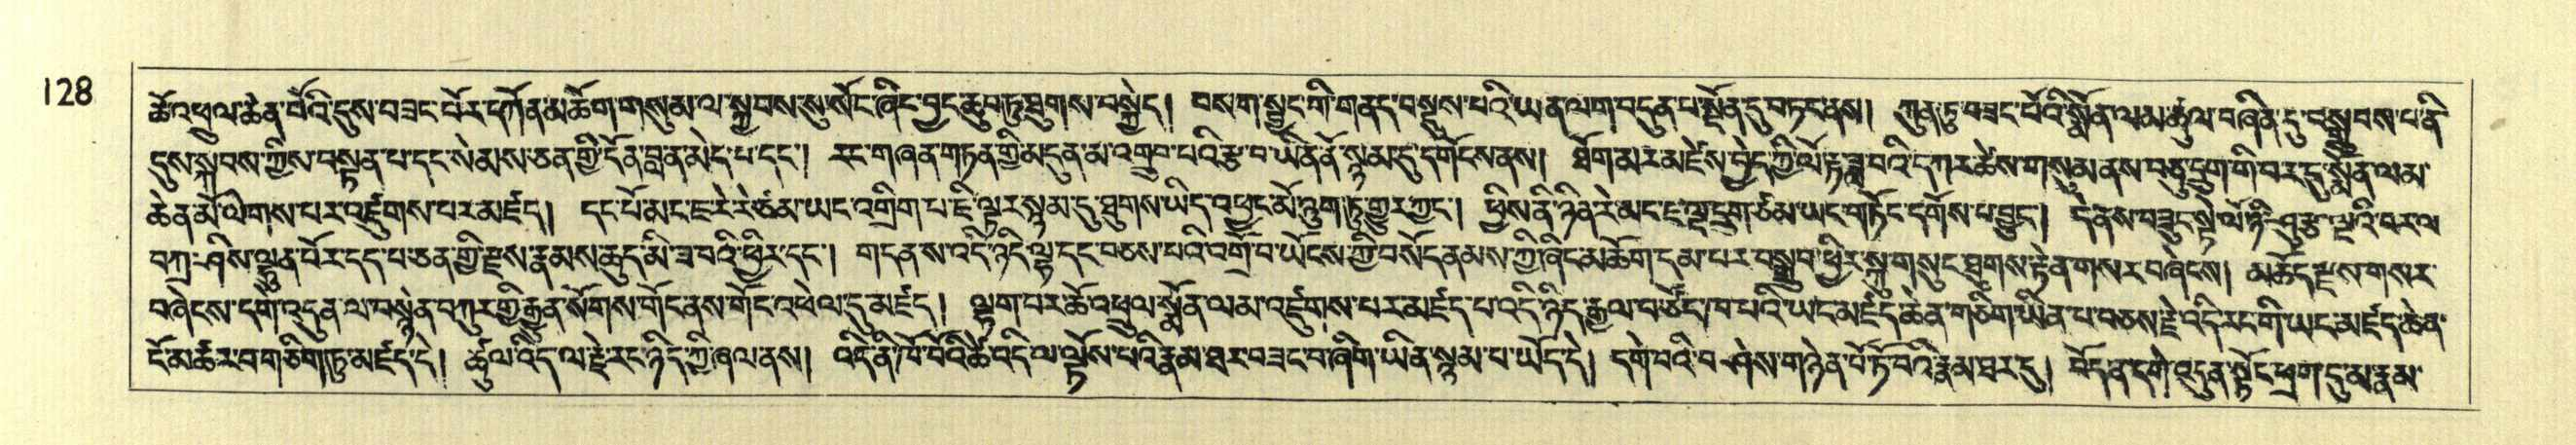ཆོ་འཕྲུལ་ཆེན་པོའི་དུས་བཟང་པོར་དཀོན་མཆོག་གསུམ་ལ་སྐྱབས་སུ་སོང་ཞིང་བྱང་ཆུབ་ཏུ་ཐུགས་བསྐྱེད། བསག་སྦྱང་གི་གནད་བསྡུས་པའི་ཡན་ལག་བདུན་པ་སྔོན་དུ་བཏང་ནས། ཀུན་ཏུ་བཟང་པོའི་སྨོན་ལམ་ཚུལ་བཞིན་དུ་བསྒྲུབས་པ་ནི་
དུས་སྐབས་ཀྱིས་བསྟན་པ་དང་སེམས་ཅན་གྱི་དོན་བླ་ན་མེད་པ་དང་། རང་གཞན་གཏན་གྱི་མདུན་མ་འགྲུབ་པའི་རྩ་བ་ཡིན་ནོ་སྙམ་དུ་དགོངས་ནས། ཐོག་མར་མཛེས་བྱེད་ཀྱི་ལོ་རྟ་ཟླ་བའི་དཀར་ཚེས་གསུམ་ནས་བཅུ་དྲུག་གི་བར་དུ་སྨོན་ལམ་
ཆེན་མོ་ལེགས་པར་འཛུགས་པར་མཛད། དང་པོ་མང་ཇ་རེ་རེ་ཙམ་ཡང་འགྲིག་པ་ཇི་ལྟར་སྙམ་དུ་ཐུགས་ཡིད་འཕྱང་མོ་ཉུག་ཏུ་གྱུར་ཀྱང་། ཕྱིས་ནི་ཉིན་རེ་མང་ཇ་ལྔ་དྲུག་ཙམ་ཡང་གཏོང་དགོས་པ་བྱུང་། དེ་ནས་བཟུང་སྟེ་ལོ་ཉི་ཤུ་རྩ་ལྔའི་བར་ལ་
བཀྲ་ཤིས་ལྷུན་པོར་དད་པ་ཅན་གྱི་རྫས་རྣམས་ཆུད་མི་ཟ་བའི་ཕྱིར་དང་། གདན་ས་འདི་ཉིད་ལྷ་དང་བཅས་པའི་འགྲོ་བ་ཡོངས་ཀྱི་བསོད་ནམས་ཀྱི་ཞིང་མཆོག་དམ་པར་བསྒྲུབ་ཕྱིར་སྐུ་གསུང་ཐུགས་རྟེན་གསར་བཞེངས། མཆོད་རྫས་གསར་
བཞེངས་དགེ་འདུན་ལ་བསྙེན་བཀུར་གྱི་རྒྱུན་སོགས་གོང་ནས་གོང་འཕེལ་དུ་མཛད། ལྷག་པར་ཆོ་འཕྲུལ་སྨོན་ལམ་འཛུགས་པར་མཛད་པ་འདི་ཉིད་རྒྱལ་བ་ཙོང་ཁ་པའི་ཡང་མཛད་ཆེན་གཅིག་ཡིན་པ་བཅས་རྗེ་འདི་རང་གི་ཡང་མཛད་ཆེན་
ངོ་མཚར་བ་གཅིག་ཏུ་མཛད་དེ། ཚུལ་འདི་ལ་རྗེ་རང་ཉིད་ཀྱི་ཞལ་ནས། འདི་ནི་ཁོ་བོའི་ཚེ་འདི་ལ་ལྟོས་པའི་རྣམ་ཐར་བཟང་བ་ཞིག་ཡིན་སྙམ་པ་ཡོད་དེ། དགེ་བའི་བཤེས་གཉེན་པོ་ཏོ་བའི་རྣམ་ཐར་དུ། བོད་ན་དགེ་འདུན་སྟོང་ཕྲག་དུ་མ་རྣམ་ཨ་